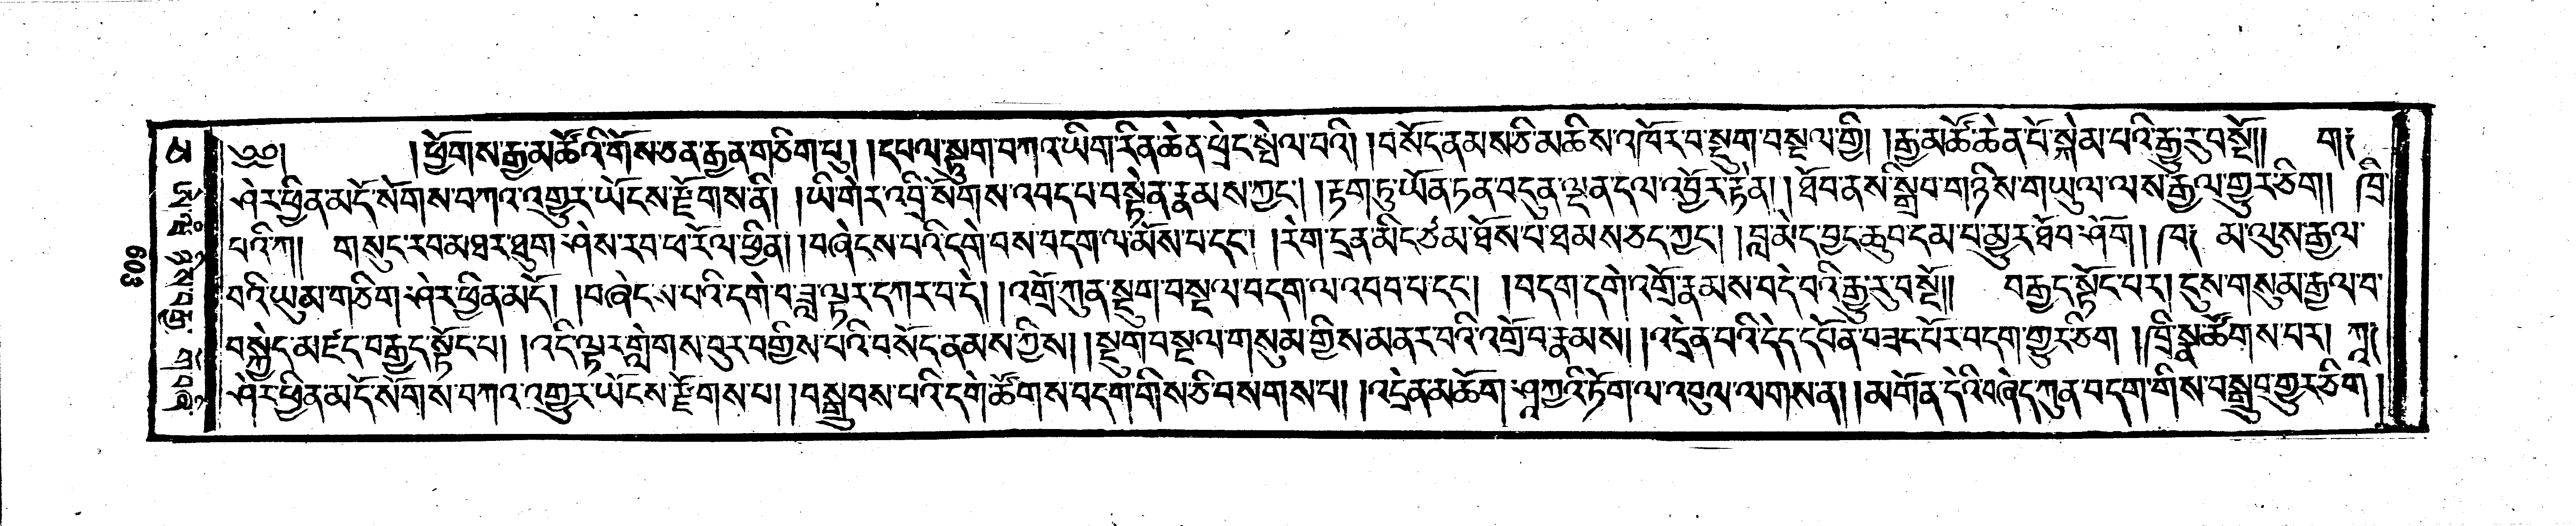༄༅། །ཕྱོགས་རྒྱ་མཚོའི་གོས་ཅན་རྒྱན་གཅིག་པུ། །དཔལ་སྟུག་བཀའ་ཡིག་རིན་ཆེན་ཕྲེང་སྤེལ་བའི། །བསོད་ནམས་ཅི་མཆིས་འཁོར་བ་སྡུག་བསྔལ་གྱི། །རྒྱ་མཚོ་ཆེན་པོ་སྐེམ་པའི་རྒྱུ་རུ་བསྔོ།། ག༑
ཤེར་ཕྱིན་མདོ་སོགས་བཀའ་འགྱུར་ཡོངས་རྫོགས་ནི། །ཡི་གེར་འབྲི་སོགས་འབད་པ་བསྟེན་རྣམས་ཀྱང་། །རྟག་ཏུ་ཡོན་ཏན་བདུན་ལྡན་དལ་འབྱོར་རྟེན། །ཐོབ་ནས་སྒྲིབ་གཉིས་གཡུལ་ལས་རྒྱལ་གྱུར་ཅིག །ཁྲི་
པའི་ཀ། གསུང་རབ་མཐར་ཐུག་ཤེས་རབ་ཕ་རོལ་ཕྱིན། །བཞེངས་པའི་དགེ་བས་བདག་ལ་མོས་པ་དང་། །རེག་དྲན་མིང་ཙམ་ཐོས་པ་ཐམས་ཅད་ཀྱང་། །བླ་མེད་བྱང་ཆུབ་དམ་པ་མྱུར་ཐོབ་ཤོག །ཁ༑ མ་ལུས་རྒྱལ་
བའི་ཡུམ་གཅིག་ཤེར་ཕྱིན་མདོ། །བཞེངས་པའི་དགེ་བ་ཟླ་ལྟར་དཀར་བ་དེ། །འགྲོ་ཀུན་སྡུག་བསྔལ་བདག་ལ་འབབ་པ་དང་། །བདག་དགེ་འགྲོ་རྣམས་བདེ་བའི་རྒྱུ་རུ་བསྔོ།། བརྒྱད་སྟོང་པར། དུས་གསུམ་རྒྱལ་བ་
བསྐྱེད་མཛད་བརྒྱད་སྟོང་པ། །འདི་ལྟར་གླེགས་བུར་བགྱིས་པའི་བསོད་ནམས་ཀྱིས། །སྡུག་བསྔལ་གསུམ་གྱིས་མནར་བའི་འགྲོ་བ་རྣམས། །འདྲེན་པའི་དེད་དཔོན་བཟང་པོར་བདག་གྱུར་ཅིག །ཁྲི་སྣ་ཚོགས་པར། ཀཱ༑
ཤེར་ཕྱིན་མདོ་སོགས་བཀའ་འགྱུར་ཡོངས་རྫོགས་པ། །བསྒྲུབས་པའི་དགེ་ཚོགས་བདག་གིས་ཅི་བསགས་པ། །འདྲེན་མཆོག་ཤཱཀྱའི་ཏོག་ལ་འབུལ་ལགས་ན། །མགོན་དེའི་བཞེད་ཀུན་བདག་གིས་བསྒྲུབ་གྱུར་ཅིག །